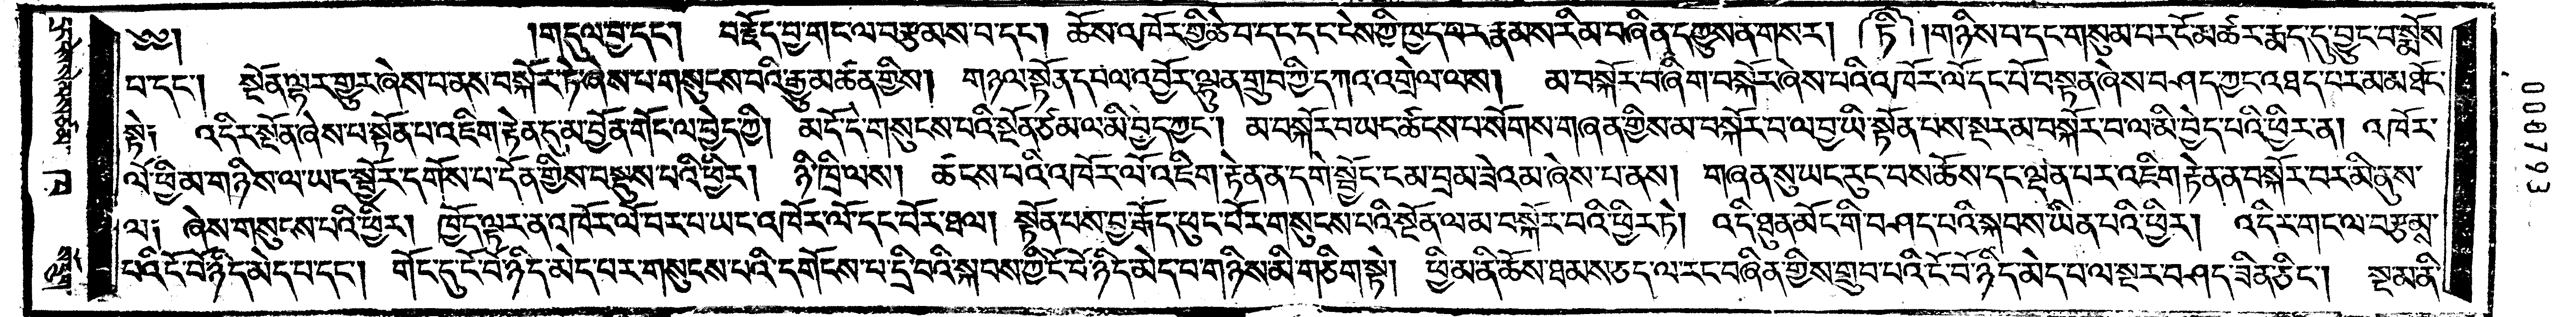༄༅། །གདུལ་བྱ་དང་། བརྗོད་བྱ་གང་ལ་བརྩམས་པ་དང་། ཆོས་འཁོར་གྱི་ཆེ་བ་དང་དྲང་ངེས་ཀྱི་ཁྱད་པར་རྣམས་རིམ་བཞིན་དཀྱུས་ན་གསལ། ༼ཏི༽ །གཉིས་པ་དང་གསུམ་པར་ངོ་མཚར་རྨད་དུ་བྱུང་བ་སྨོས་
པ་དང་། སྔོན་ལྷར་གྱུར་ཞེས་པ་ནས་བསྐོར་ཏེ་ཞེས་པ་གསུངས་པའི་རྒྱུ་མཚན་གྱིས། གཉལ་སྟོན་དཔལ་འབྱོར་ལྷུན་གྲུབ་ཀྱི་དཀའ་འགྲེལ་ལས། མ་བསྐོར་བ་ཞིག་བསྐོར་ཞེས་པའི་འཁོར་ལོ་དང་པོ་བསྟན་ཞེས་བཤད་ཀྱང་འཐད་པར་མ་མཐོང་
སྟེ༑ འདིར་སྔོན་ཞེས་པ་སྟོན་པ་འཇིག་རྟེན་དུ་མ་བྱོན་གོང་ལ་བྱེད་ཀྱི། མདོ་དེ་གསུངས་པའི་སྔོན་ཙམ་ལ་མི་བྱེད་ཀྱང་། མ་བསྐོར་བ་ཡང་ཚངས་པ་སོགས་གཞན་གྱིས་མ་བསྐོར་བ་ལ་བྱ་ཡི་སྟོན་པས་སྔར་མ་བསྐོར་བ་ལ་མི་བྱེད་པའི་ཕྱིར་ན། འཁོར་
ལོ་ཕྱི་མ་གཉིས་ལ་ཡང་སྦྱོར་དགོས་པ་དོན་གྱིས་བསྡུས་པའི་ཕྱིར། ཉི་ཁྲི་ལས། ཚངས་པའི་འཁོར་ལོ་འཇིག་རྟེན་ན་དགེ་སྦྱོང་ངམ་བྲམ་ཟེའམ་ཞེས་པ་ནས། གཞན་སུ་ཡང་རུང་བས་ཆོས་དང་ལྡན་པར་འཇིག་རྟེན་ན་བསྐོར་བར་མི་ནུས་
ལ༑ ཞེས་གསུངས་པའི་ཕྱིར། ཁྱོད་ལྟར་ན་འཁོར་ལོ་བར་པ་ཡང་འཁོར་ལོ་དང་པོར་ཐལ། སྟོན་པས་བྱ་རྒོད་ཕུང་པོར་གསུངས་པའི་སྔོན་ལ་མ་བསྐོར་བའི་ཕྱིར་ཏེ། འདི་ཐུན་མོང་གི་བཤད་པའི་སྐབས་ཡིན་པའི་ཕྱིར། འདིར་གང་ལ་བརྩམས་
པའི་ངོ་བོ་ཉིད་མེད་པ་དང་། གོང་དུ་ངོ་བོ་ཉིད་མེད་པར་གསུངས་པའི་དགོངས་པ་དྲི་བའི་སྐབས་ཀྱི་ངོ་བོ་ཉིད་མེད་པ་གཉིས་མི་གཅིག་སྟེ། ཕྱི་མ་ནི་ཆོས་ཐམས་ཅད་ལ་རང་བཞིན་གྱིས་གྲུབ་པའི་ངོ་བོ་ཉིད་མེད་པ་ལ་སྔར་བཤད་ཟིན་ཅིང་། སྔ་མ་ནི་